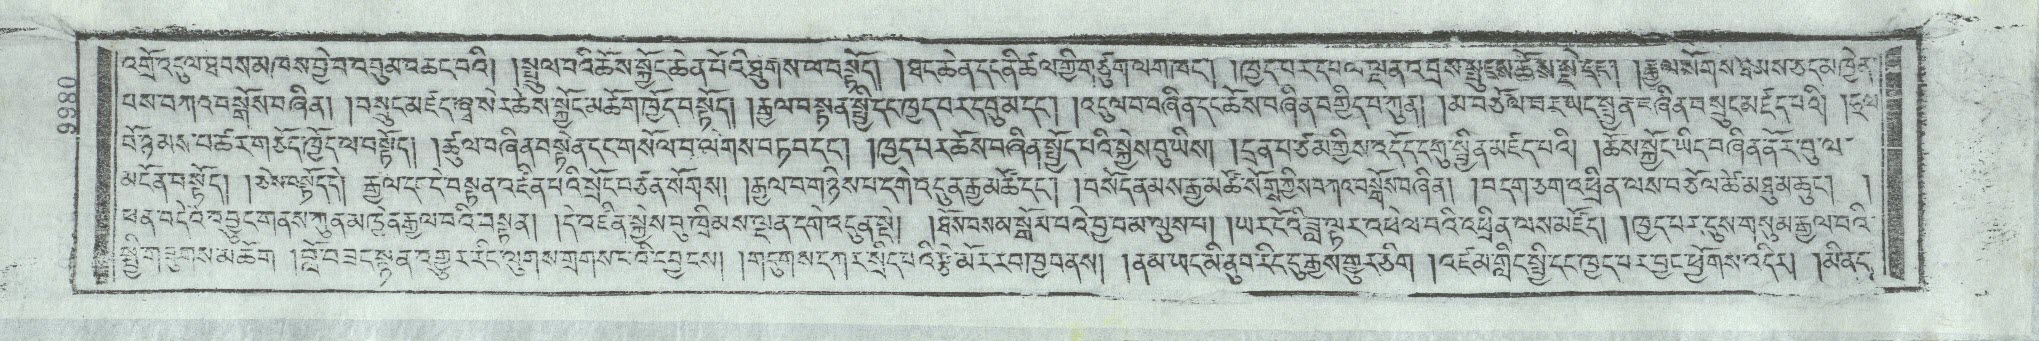འགྲོ་འདུལ་ཐབས་མཁས་བྱེ་བ་འབུམ་འཆང་བའི། །སྤྲུལ་བའི་ཆོས་སྐྱོང་ཆེན་པོའི་ཐུགས་ལ་བསྟོད། །ཐང་ཆེན་དང་ནི་ཚལ་གྱི་གཙུག་ལག་ཁང་། །ཁྱད་པར་དཔལ་ལྡན་འབྲས་སྤུངས་ཆོས་སྡེ་དང་། །རྒྱལ་སོགས་ཐམས་ཅད་མཁྱེན་
པས་བཀའ་བསྒོས་བཞིན། །བསྲུང་མཛད་ཞྭ་སེར་ཆེས་སྐྱོང་མཆོག་ཁྱོད་བསྟོད། །རྒྱལ་བསྟན་སྤྱི་དང་ཁྱད་པར་དབུ་མ་དང་། །འདུལ་བ་བཞིན་དང་ཆོས་བཞིན་བགྱིད་པ་ཀུན། །མ་བཅོལ་བར་ཡང་སྤྱན་བཞིན་བསྲུང་མཛད་པའི། །ཧྲལ་
བོ་ཉམས་པ་ཚར་གཅོད་ཁྱོད་ལ་བསྟོད། །ཚུལ་བཞིན་བསྟེན་དང་གསོལ་བ་ལེགས་བཏབ་དང་། །ཁྱད་པར་ཆོས་བཞིན་སྤྱོད་པའི་སྐྱེས་བུ་ཡིས། །དྲན་པ་ཙམ་གྱིས་འདོད་དགུ་སྦྱིན་མཛད་པའི། །ཆོས་སྐྱོང་ཡིད་བཞིན་ནོར་བུ་ལ་
མངོན་བསྟོད། །ཅེས་བསྟོད་དེ། རྒྱལ་དང་དེ་བསྟན་འཛིན་པའི་སྲོང་བཙན་སོགས། །རྒྱལ་བ་གཉིས་པ་དགེ་འདུན་རྒྱ་མཚོ་དང་། །བསོད་ནམས་རྒྱ་མཚོ་སོགས་ཀྱིས་བཀའ་བསྒོས་བཞིན། །བདག་ཅག་འཕྲིན་ལས་བཅོལ་ཚེ་མཐུ་མཆུང་། །
ཕན་བདེའི་འབྱུང་གནས་ཀུན་མཁྱེན་རྒྱལ་པའི་བསྟན། །དེ་འཛིན་སྐྱེས་བུ་ཁྲིམས་ལྔན་དགེ་འདུན་སྟེ། །ཐོས་བསམ་སྒོམ་པའི་བྱ་བ་མ་ལུས་པ། །ཡར་ངོའི་ཟླ་ལྟར་འཕེལ་བའི་འཕྲིན་ལས་མཛོད། །ཁྱད་པར་དུས་གསུམ་རྒྱལ་བའི་
སྤྱི་གཟུགས་མཆོག །བློ་བཟང་སྙན་འགྱུར་རིང་ལུགས་གྲགས་པའི་དབྱངས། །གདུགས་དཀར་སྲིད་བའི་རྩེ་མོར་རབ་ཁྱབ་ནས། །ནམ་ཡང་མི་ནུབ་རིང་དུ་རྒྱས་གྱུར་ཅིག །འཛམ་གླིང་སྤྱི་དང་ཁྱད་པར་བྱང་ཕྱོགས་འདིར། །མི་ནད་